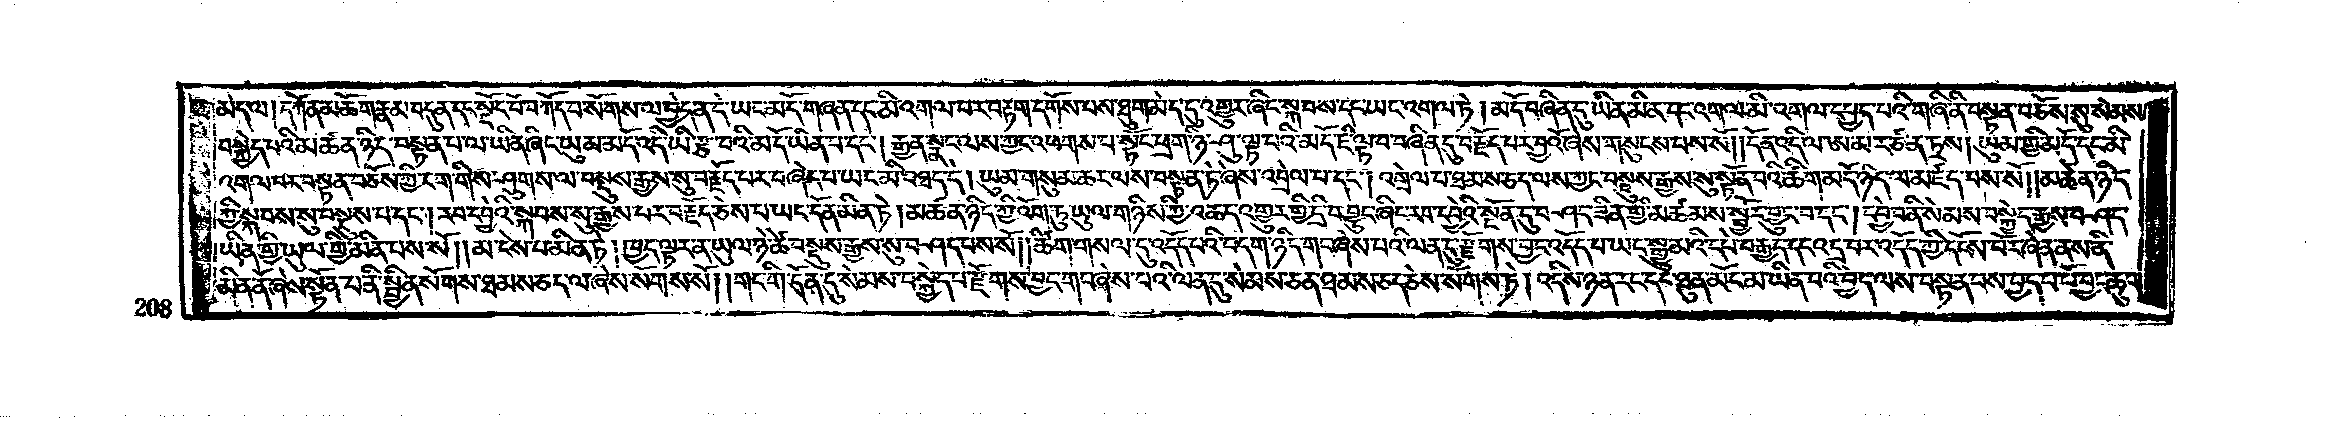མེད་ལ། དཀོན་མཆོག་རྣམ་བདུན་དང་སྡོང་པོ་བཀོད་པ་སོགས་ལ་བྱེད་ན་དེ་ཡང་མདོ་གཞན་དང་མི་འགལ་བར་བརྟག་དགོས་པས་ཐུག་མེད་དུ་འགྱུར་ཞིང་སྐབས་དང་ཡང་འགལ་ཏེ། མདོ་བཞིན་དུ་ཡིན་མིན་དང་འགལ་མི་འགལ་དཔྱད་པའི་གཞི་ནི་བསྟན་བཅོས་སུ་སེམས་
བསྐྱེད་པའི་མཚན་ཉིད་བསྟན་པ་ལ་ཡིན་ཞིང་ཡུམ་མདོ་འདི་ཡི་རྩ་བའི་མདོ་ཡིན་པ་དང་། རྒྱན་སྣང་ལས་ཀྱང་འཕགས་པ་སྟོང་ཕྲག་ཉི་ཤུ་ལྔ་པའི་མདོ་ཇི་ལྟ་བ་བཞིན་དུ་བརྗོད་པར་བྱའོ་ཞེས་གསུངས་པས་སོ། །དོན་འདི་ལ་ཨ་མ་ར་ཙན་ཏྲས། ཡུམ་གྱི་མདོ་དང་མི་
འགལ་བར་བསྟན་བཅོས་ཀྱི་ངག་གིས་ཤུགས་ལ་བསྡུས་རྒྱས་སུ་བརྗོད་པར་བཞེད་པ་ཡང་མི་འཐད་དེ། ཡུམ་གསུམ་ཆར་ལས་བསྟན་ཏེ་ཞེས་འབྲེལ་པ་དང་། འགྲེལ་པ་ཐམས་ཅད་ལས་ཀྱང་བསྡུས་རྒྱས་སུ་སྟོན་པའི་ཚིག་མདོ་ཉིད་ལ་མཛད་པས་སོ། །མཚན་ཉིད་
ཀྱི་སྐབས་སུ་བསྡུས་པ་དང་། རབ་དབྱེའི་སྐབས་སུ་རྒྱས་པར་བརྗོད་ཅེས་པ་ཡང་དོན་མིན་ཏེ། མཚན་ཉིད་ཀྱི་འོག་ཏུ་ཡུལ་གཉིས་ཀྱི་འཆད་འགྱུར་གྱི་དྲི་བ་བྱུང་ཞིང་རབ་དབྱེའི་སྔོན་དུ་བཤད་ཟིན་གྱི་མཚམས་སྦྱོར་བྱུང་བ་དང་། དབྱེ་བ་ནི་སེམས་བསྐྱེད་རྒྱས་བཤད་
ཡིན་གྱི་ཡུལ་གྱི་མིན་པས་སོ། །མ་ངེས་པ་མིན་ཏེ། ཁྱད་ལྟར་ན་ཡུལ་ཉི་ཚེ་བསྡུས་རྒྱས་སུ་བཤད་པས་སོ། །ཚིག་གསལ་དུ་འདོད་པའི་བདག་ཉིད་གང་ཞེས་པའི་ལན་དུ་རྫོགས་བྱང་འདོད་པ་ཡང་སྒྱུ་མའི་དཔེ་བརྒྱད་དང་འདྲ་བར་འདོད་ཀྱི་དངོས་པོར་ཞེན་ནས་ནི་
མིན་ནོ་ཞེས་སྟོན་པ་ནི་སྦྱིན་སོགས་ཐམས་ཅད་ལ་ཞེས་སོགས་སོ། །གང་གི་དོན་དུ་སེམས་བསྐྱེད་པ་རྫོགས་བྱང་གང་ཞེས་པའི་ལན་དུ་སེམས་ཅན་ཐམས་ཅད་ཅེས་སོགས་ཏེ། འདིས་ཉན་རང་དང་ཐུན་མོང་མ་ཡིན་པའི་བྱེད་ལས་བསྟན་པས་བྱེད་པ་པོ་བྱང་ཆུབ་